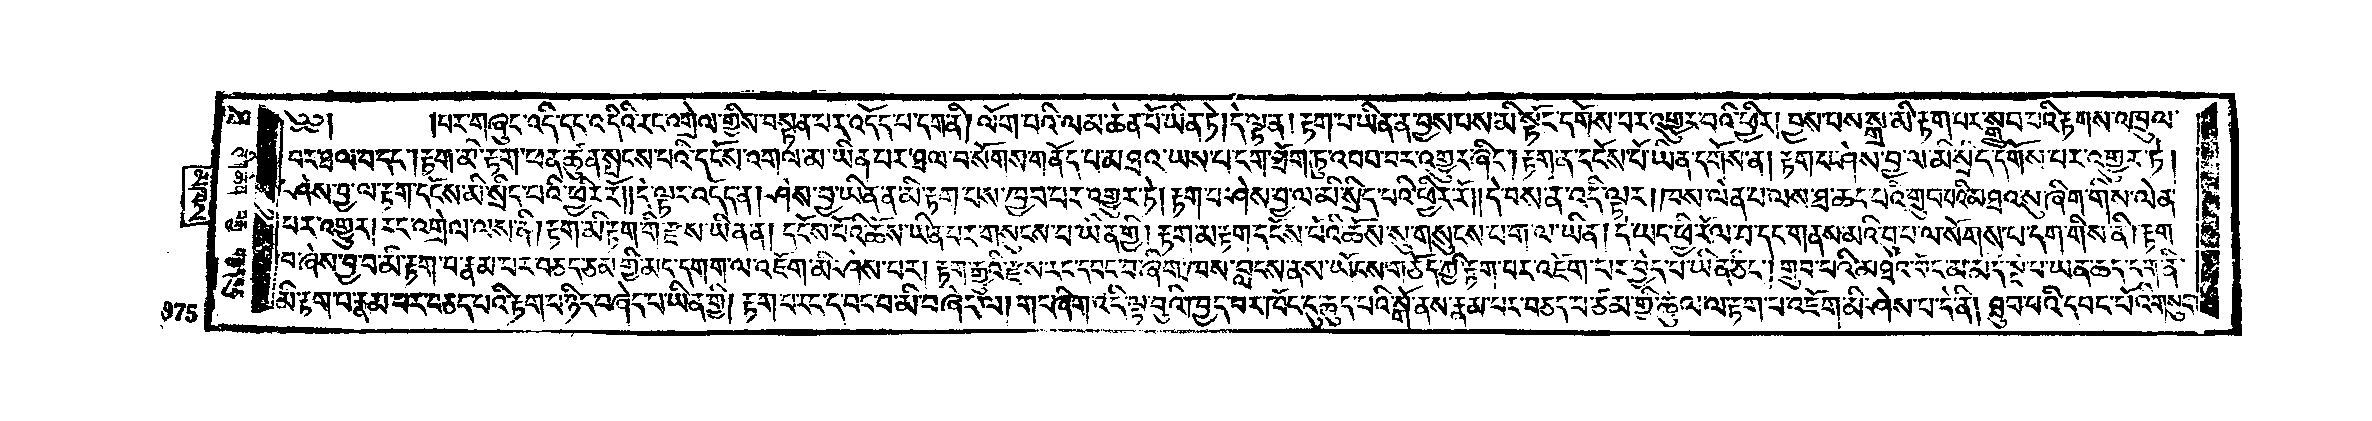༄༅། །པར་གཞུང་འདི་དང་འདིའི་རང་འགྲེལ་གྱིས་བསྟན་པར་འདོད་པ་དག་ནི། ལོག་པའི་ལམ་ཆེན་པོ་ཡིན་ཏེ། དེ་ལྟ་ན། རྟག་པ་ཡིན་ན་བྱས་པས་མི་སྟོང་དགོས་པར་འགྱུར་བའི་ཕྱིར། བྱས་པས་སྒྲ་མི་རྟག་པར་སྒྲུབ་པའི་རྟགས་འཁྲུལ་
བར་ཐལ་བ་དང་། རྟག་མི་རྟག་ཕན་ཚུན་སྤངས་པའི་དངོས་འགལ་མ་ཡིན་པར་ཐལ་བ་སོགས་གནོད་པ་མཐའ་ཡས་པ་ངག་ཐོག་ཏུ་འབབ་པར་འགྱུར་ཞིང་། རྟག་ན་དངོས་པོ་ཡིན་དགོས་ན། རྟག་པ་ཤེས་བྱ་ལ་མི་སྲིད་དགོས་པར་འགྱུར་ཏེ།
ཤེས་བྱ་ལ་རྟག་དངོས་མི་སྲིད་པའི་ཕྱིར་རོ། །དེ་ལྟར་འདོད་ན། ཤེས་བྱ་ཡིན་ན་མི་རྟག་པས་ཁྱབ་པར་འགྱུར་ཏེ། རྟག་པ་ཤེས་བྱ་ལ་མི་སྲིད་པའི་ཕྱིར་རོ། །དེ་བས་ན་འདི་ལྟར། ཁས་ལེན་པ་ལས་ཐ་ཆད་པའི་གྲུབ་པའི་མཐའ་སུ་ཞིག་གིས་ལེན་
པར་འགྱུར། རང་འགྲེལ་ལས་ནི། རྟག་མི་རྟག་གི་རྫས་ཡིན་ན། དངོས་པོའི་ཆོས་ཡིན་པར་གསུངས་པ་ཡིན་གྱི། རྟག་མི་རྟག་དངོས་པོའི་ཆོས་སུ་གསུངས་པ་ག་ལ་ཡིན། དེ་ཡང་ཕྱི་རོལ་བ་དང་གནས་མའི་བུ་པ་ལ་སོགས་པ་དག་གིས་ནི། རྟག་
པ་ཞེས་བྱ་བ་མི་རྟག་པ་རྣམ་པར་བཅད་ཙམ་གྱི་མང་དགག་ལ་འཇོག་མི་ཤེས་པར། རྟག་རྒྱུའི་རྫས་རང་དབང་བ་ཞིག་ཁས་བླངས་ནས་ཡོངས་གཅོད་ཀྱི་རྟག་པར་འཇོག་པར་བྱེད་པ་ཡིན་ཅིང་། གྲུབ་པའི་མཐའ་གོང་མ་མདོ་སྡེ་པ་ཡན་ཆད་དག་ནི་
མི་རྟག་པ་རྣམ་པར་བཅད་པའི་རྟག་པ་ཉིད་བཞེད་པ་ཡིན་གྱི། རྟག་པ་རང་དབང་བ་མི་བཞེད་ལ། གང་ཞིག་འདི་ལྟ་བུའི་ཁྱད་པར་ཁོང་དུ་ཆུད་པའི་སྒོ་ནས་རྣམ་པར་བཅད་པ་ཙམ་གྱི་ཚུལ་ལ་རྟག་པ་འཇོག་མི་ཤེས་པ་དེ་ནི། ཐུབ་པའི་དབང་པོའི་གསུང་